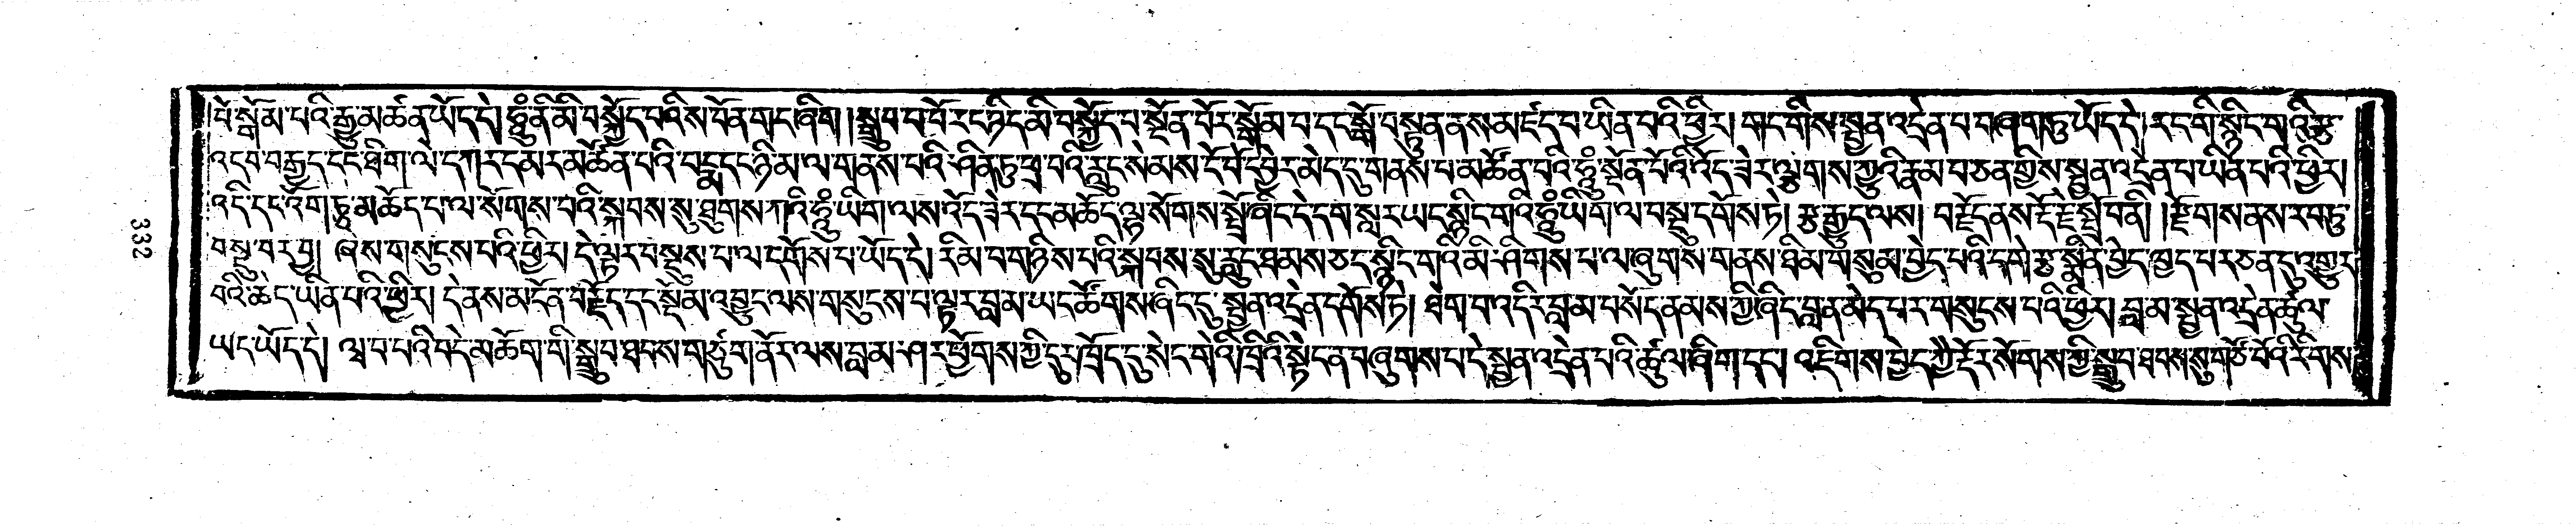པོ་སྒོམ་པའི་རྒྱུ་མཚན་ཡོད་དེ། ཧཱུཾ་ནི་མི་བསྐྱོད་པའི་ས་བོན་གང་ཞིག །སྒྲུབ་པ་པོ་རང་ཉིད་མི་བསྐྱོད་པ་སྔོན་པོར་སྒོམ་པ་དང་སྒོ་བསྟུན་ནས་མཛད་པ་ཡིན་པའི་ཕྱིར། གང་གིས་སྤྱན་འདྲེན་པ་བཞག་ཏུ་ཡོད་དེ། རང་གི་སྙིང་གའི་རྩ་
འདབ་བརྒྱད་དང་ཐིག་ལེ་དཀར་དམར་མཚོན་པའི་པདམ་དང་ཉི་མ་ལ་གནས་པའི་ཤིན་ཏུ་ཕྲ་བའི་རླུང་སེམས་ངོ་བོ་དབྱེར་མེད་དུ་གནས་པ་མཚོན་པའི་ཧཱུཾ་སྔོན་པོའི་འོད་ཟེར་ལྕགས་ཀྱུའི་རྣམ་པ་ཅན་གྱིས་སྤྱན་འདྲེན་པ་ཡིན་པའི་ཕྱིར།
འདི་དང་འོག་ཏུ་མཆོད་པ་ལ་སོགས་པའི་སྐབས་སུ་ཐུགས་ཀའི་ཧཱུཾ་ཡིག་ལས་འོད་ཟེར་དང་མཆོད་ལྷ་སོགས་སྤྲོ་ཞིང་དེ་དག་སླར་ཡང་སྙིང་གའི་ཧཱུཾ་ཡིག་ལ་བསྡུ་དགོས་ཏེ། རྩ་རྒྱུད་ལས། བརྗོད་ནས་རྡོ་རྗེ་སྤྲེ་པ་ནི། །རྫོགས་ནས་རབ་ཏུ་
བསྡུ་བར་བྱ། ཞེས་གསུངས་པའི་ཕྱིར། དེ་ལྟར་བསྡུས་པ་ལ་དགོས་པ་ཡོད་དེ། རིམ་པ་གཉིས་པའི་སྐབས་སུ་རླུང་ཐམས་ཅད་སྙིང་གའི་མི་ཤིགས་པ་ལ་ཞུགས་གནས་ཐིམ་གསུམ་བྱེད་པའི་དགེ་རྩ་སྨིན་བྱེད་ཁྱད་པར་ཅན་དུ་འགྱུར་
བའི་ཆེད་ཡིན་པའི་ཕྱིར། དེ་ནས་མངོན་བརྗོད་དང་སྡོམ་འབྱུང་ལས་གསུངས་བ་ལྟར་བླ་མ་ཡང་ཚོགས་ཞིང་དུ་སྤྱན་འདྲེན་དགོས་ཏེ། ཐེག་པ་འདིར་བླ་མ་བསོད་ནམས་ཀྱི་ཞིང་བླ་ན་མེད་པར་གསུངས་པའི་ཕྱིར། བླ་མ་སྤྱན་འདྲེན་ཚུལ་
ཡང་ཡོད་དེ། ལྭ་བ་པའི་བདེ་མཆོག་གི་སྒྲུབ་ཐབས་གཙུག་ནོར་ལས་བླ་མ་ཤར་ཕྱོགས་ཀྱི་དུར་ཁྲོད་དུ་སེང་གེའི་ཁྲིའི་སྟེང་ན་བཞུགས་པ་དེ་སྤྱན་འདྲེན་པའི་ཚུལ་ཞིག་དང་། འཇིགས་བྱེད་ཀྱཻ་རྡོར་སོགས་ཀྱི་སྒྲུབ་ཐབས་སུ་གཙོ་བོའི་རིགས་